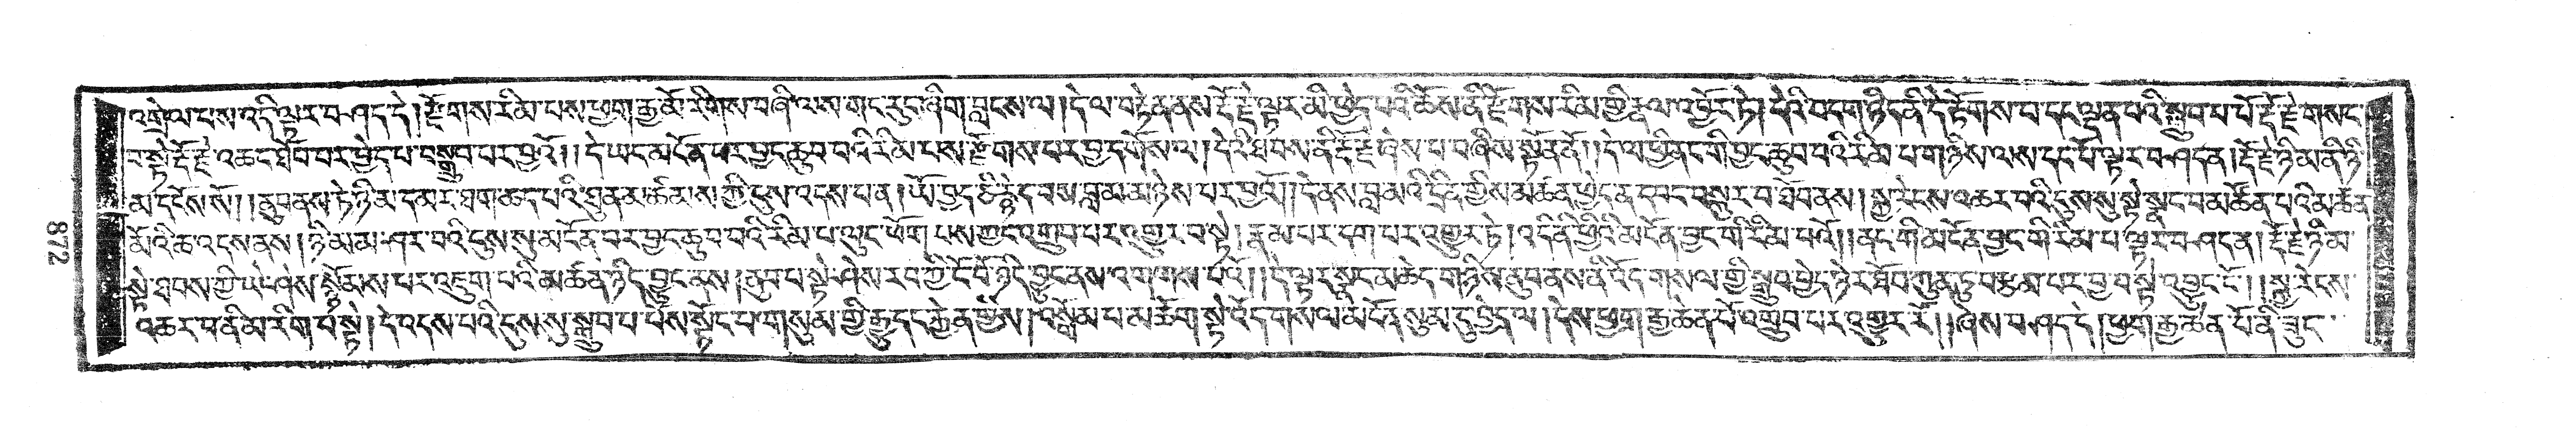འགྲེལ་པས་འདི་ལྟར་བཤད་དེ། རྫོགས་རིམ་པས་ཕྱག་རྒྱ་མོ་རིགས་བཞི་ལས་གང་རུང་ཞིག་བླངས་ལ། དེ་ལ་བརྟེན་ནས་རྡོ་རྗེ་ལྟར་མི་ཕྱེད་པའི་ཆོས་ནི་རྫོགས་རིམ་གྱི་རྣལ་འབྱོར་ཏེ། དེའི་བདག་ཉིད་ནི་དེ་རྟོགས་པ་དང་ལྡན་པའི་སྒྲུབ་པ་པོ་རྡོ་རྗེ་གསང་
བ་སྟེ་རྡོ་རྗེ་འཆང་ཐོབ་པར་བྱེད་པ་བསྒྲུབ་པར་བྱའོ། །དེ་ཡང་མངོན་པར་བྱང་ཆུབ་པའི་རིམ་པས་རྫོགས་པར་བྱ་དགོས་ལ། དེའི་ཐབས་ནི་རྡོ་རྗེ་ཞེས་པ་བཞིས་སྟོན་ནོ། །དེ་ལ་ཕྱི་ནང་གི་བྱང་ཆུབ་པའི་རིམ་པ་གཉིས་ལས་དང་པོ་ལྟར་བཤད་ན། རྡོ་རྗེ་ཉི་མ་ནི་ཉི་
མ་དངོས་སོ། །ནུབ་ནས་ཏེ་ཉི་མ་དམར་ཐག་ཆད་པའི་ཐུན་མཚམས་ཀྱི་དུས་འདས་པ་ན། ཡོ་བྱད་ཅི་རྙེད་པས་བླ་མ་མཉེས་པར་བྱའོ། །དེ་ནས་བླ་མའི་དྲིན་གྱིས་མཚན་ཕྱེད་ན་དབང་བསྐུར་བ་ཐོབ་ནས། སྐྱ་རེངས་འཆར་བའི་དུས་སུ་སྟེ་སྣང་བ་མཚོན་པའི་མཚན་
མོའི་ཆ་འདས་ནས། ཉི་མ་མ་ཤར་བའི་དུས་སུ་མངོན་པར་བྱང་ཆུབ་པའི་རིམ་པ་ལུང་ཕོག་པས་ཀྱང་འགྲུབ་པར་འགྱུར་བ་སྟེ། རྣམ་པར་དག་པར་འགྱུར་ཏེ། འདི་ནི་ཕྱིའི་མངོན་བྱང་གི་རིམ་པའོ། །ནང་གི་མངོན་བྱང་གི་རིམ་པ་ལྟར་བཤད་ན། རྡོ་རྗེ་ཉི་མ་
སྟེ་ཐབས་ཀྱི་ཡེ་ཤེས་སྙོམས་པར་འཇུག་པའི་མཚན་ཉིད་བྱུང་ནས། ནུབ་པ་སྟེ་ཤེས་རབ་ཀྱི་ངོ་བོ་ཉིད་བྱུང་ནས་འགགས་པའོ། །དེ་ལྟར་སྣང་མཆེད་གཉིས་ནུབ་ནས་ནི་འོད་གསལ་གྱི་སྒྲུབ་བྱེད་ཉེར་ཐོབ་ཀུན་ཏུ་བརྩམ་པར་བྱ་བ་སྟེ་འབྱུང་ངོ། །སྐྱ་རེངས་
འཆར་བ་ནི་མ་རིག་པ་སྟེ། དེ་འདས་པའི་དུས་སུ་སྒྲུབ་པ་པོས་སྟོང་པ་གསུམ་གྱི་རྒྱུ་དང་རྐྱེན་གྱིས། བསྒོམ་པ་མཆོག་སྟེ་འོད་གསལ་མངོན་སུམ་དུ་བྱེད་ལ། དེས་ཕྱག་རྒྱ་ཆེན་པོ་འགྲུབ་པར་འགྱུར་རོ། །ཞེས་བཤད་དེ། ཕྱག་རྒྱ་ཆེན་པོ་ནི་ཟུང་